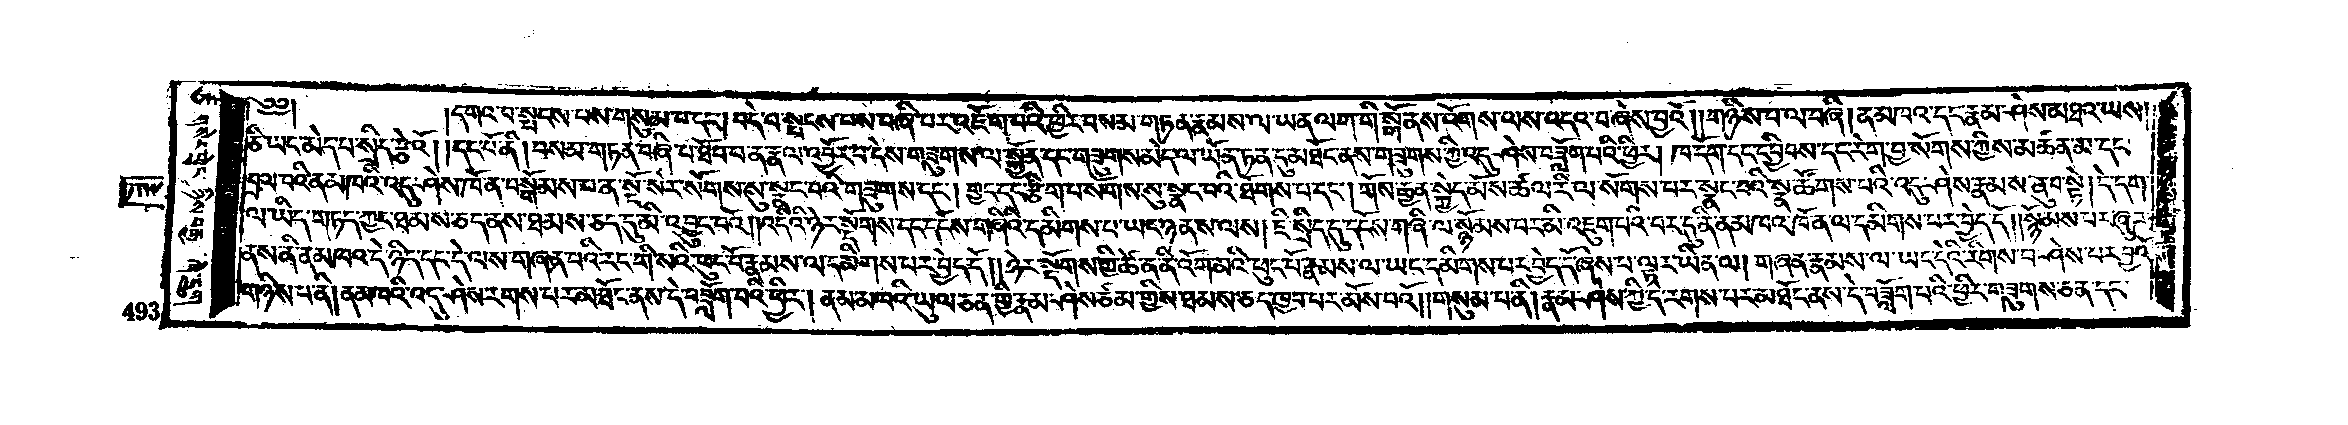༄༅། །དགའ་བ་སྤངས་པས་གསུམ་པ་དང་། བདེ་བ་སྤངས་པས་བཞི་པར་འཇོག་པའི་ཕྱིར་བསམ་གཏན་རྣམས་ལ་ཡན་ལག་གི་སྒོ་ནས་འོག་ས་ལས་འདའ་བ་ཞེས་བྱའོ། །གཉིས་པ་ལ་བཞི། ནམ་མཁའ་དང་རྣམ་ཤེས་མཐའ་ཡས།
ཅི་ཡང་མེད་པ་སྲིད་རྩེའོ། །དང་པོ་ནི། བསམ་གཏན་བཞི་པ་ཐོབ་པ་ན་རྣལ་འབྱོར་པ་དེས་གཟུགས་ལ་སྐྱོན་དང་གཟུགས་མེད་ལ་ཡོན་ཏན་དུ་མཐོང་ནས་གཟུགས་ཀྱི་འདུ་ཤེས་བཟློག་པའི་ཕྱིར། ཁ་དོག་དང་དབྱིབས་དང་རེག་བྱ་སོགས་ཀྱིས་མཚན་མ་དང་
བྲལ་བའི་ནམ་མཁའི་འདུ་ཤེས་ཁོ་ན་བསྒོམས་པ་ན་སྔོ་སེར་སོགས་སུ་སྣང་བའི་གཟུགས་དང་། བྱང་དང་རྩིག་པ་སོགས་སུ་སྣང་བའི་ཐོགས་པ་དང་། གོས་རྒྱན་སྐྱེད་མོས་ཚལ་རི་ལ་སོགས་པར་སྣང་བའི་སྣ་ཚོགས་པའི་འདུ་ཤེས་རྣམས་ནུབ་སྟེ། དེ་དག་
ལ་ཡིད་གཏད་ཀྱང་ཐམས་ཅད་ནས་ཐམས་ཅད་དུ་མི་འབྱུང་པའོ། །འདིའི་ཉེར་སྡོགས་དང་དངོས་གཞིའི་དམིགས་པ་ཡང་ཉན་ས་ལས། ཇི་སྲིད་དུ་དངོས་གཞི་ལ་སྙོམས་པར་མི་འཇུག་པའི་བར་དུ་ནི་ནམ་མཁའ་ཁོ་ན་ལ་དམིགས་པར་བྱེད་དོ། །སྙོམས་པར་ཞུགས་
ནས་ནི་ནམ་མཁའ་དེ་ཉིད་དང་དེ་ལས་གཞན་པའི་རང་གི་སའི་ཕུང་པོ་རྣམས་ལ་དམིགས་པར་བྱེད་དོ། །ཉེར་སྡོགས་ཀྱི་ཚེ་ན་ནི་འོག་མའི་ཕུང་པོ་རྣམས་ལ་ཡང་དམིགས་པར་བྱེད་དོ་ཞེས་པ་ལྟར་ཡིན་ལ། གཞན་རྣམས་ལ་ཡང་དེའི་རིགས་པ་ཤེས་པར་བྱའོ། །
གཉིས་པ་ནི། ནམ་མཁའི་འདུ་ཤེས་རགས་པར་མཐོང་ནས་དེ་བཟློག་པའི་ཕྱིར། ནམ་མཁའི་ཡུལ་ཅན་གྱི་རྣམ་ཤེས་ཙམ་གྱིས་ཐམས་ཅད་ཁྱབ་པར་མོས་པའོ། །གསུམ་པ་ནི། རྣམ་ཤེས་ཀྱི་དེ་རགས་པར་མཐོང་ནས་དེ་བཟློག་པའི་ཕྱིར་གཟུགས་ཅན་དང་